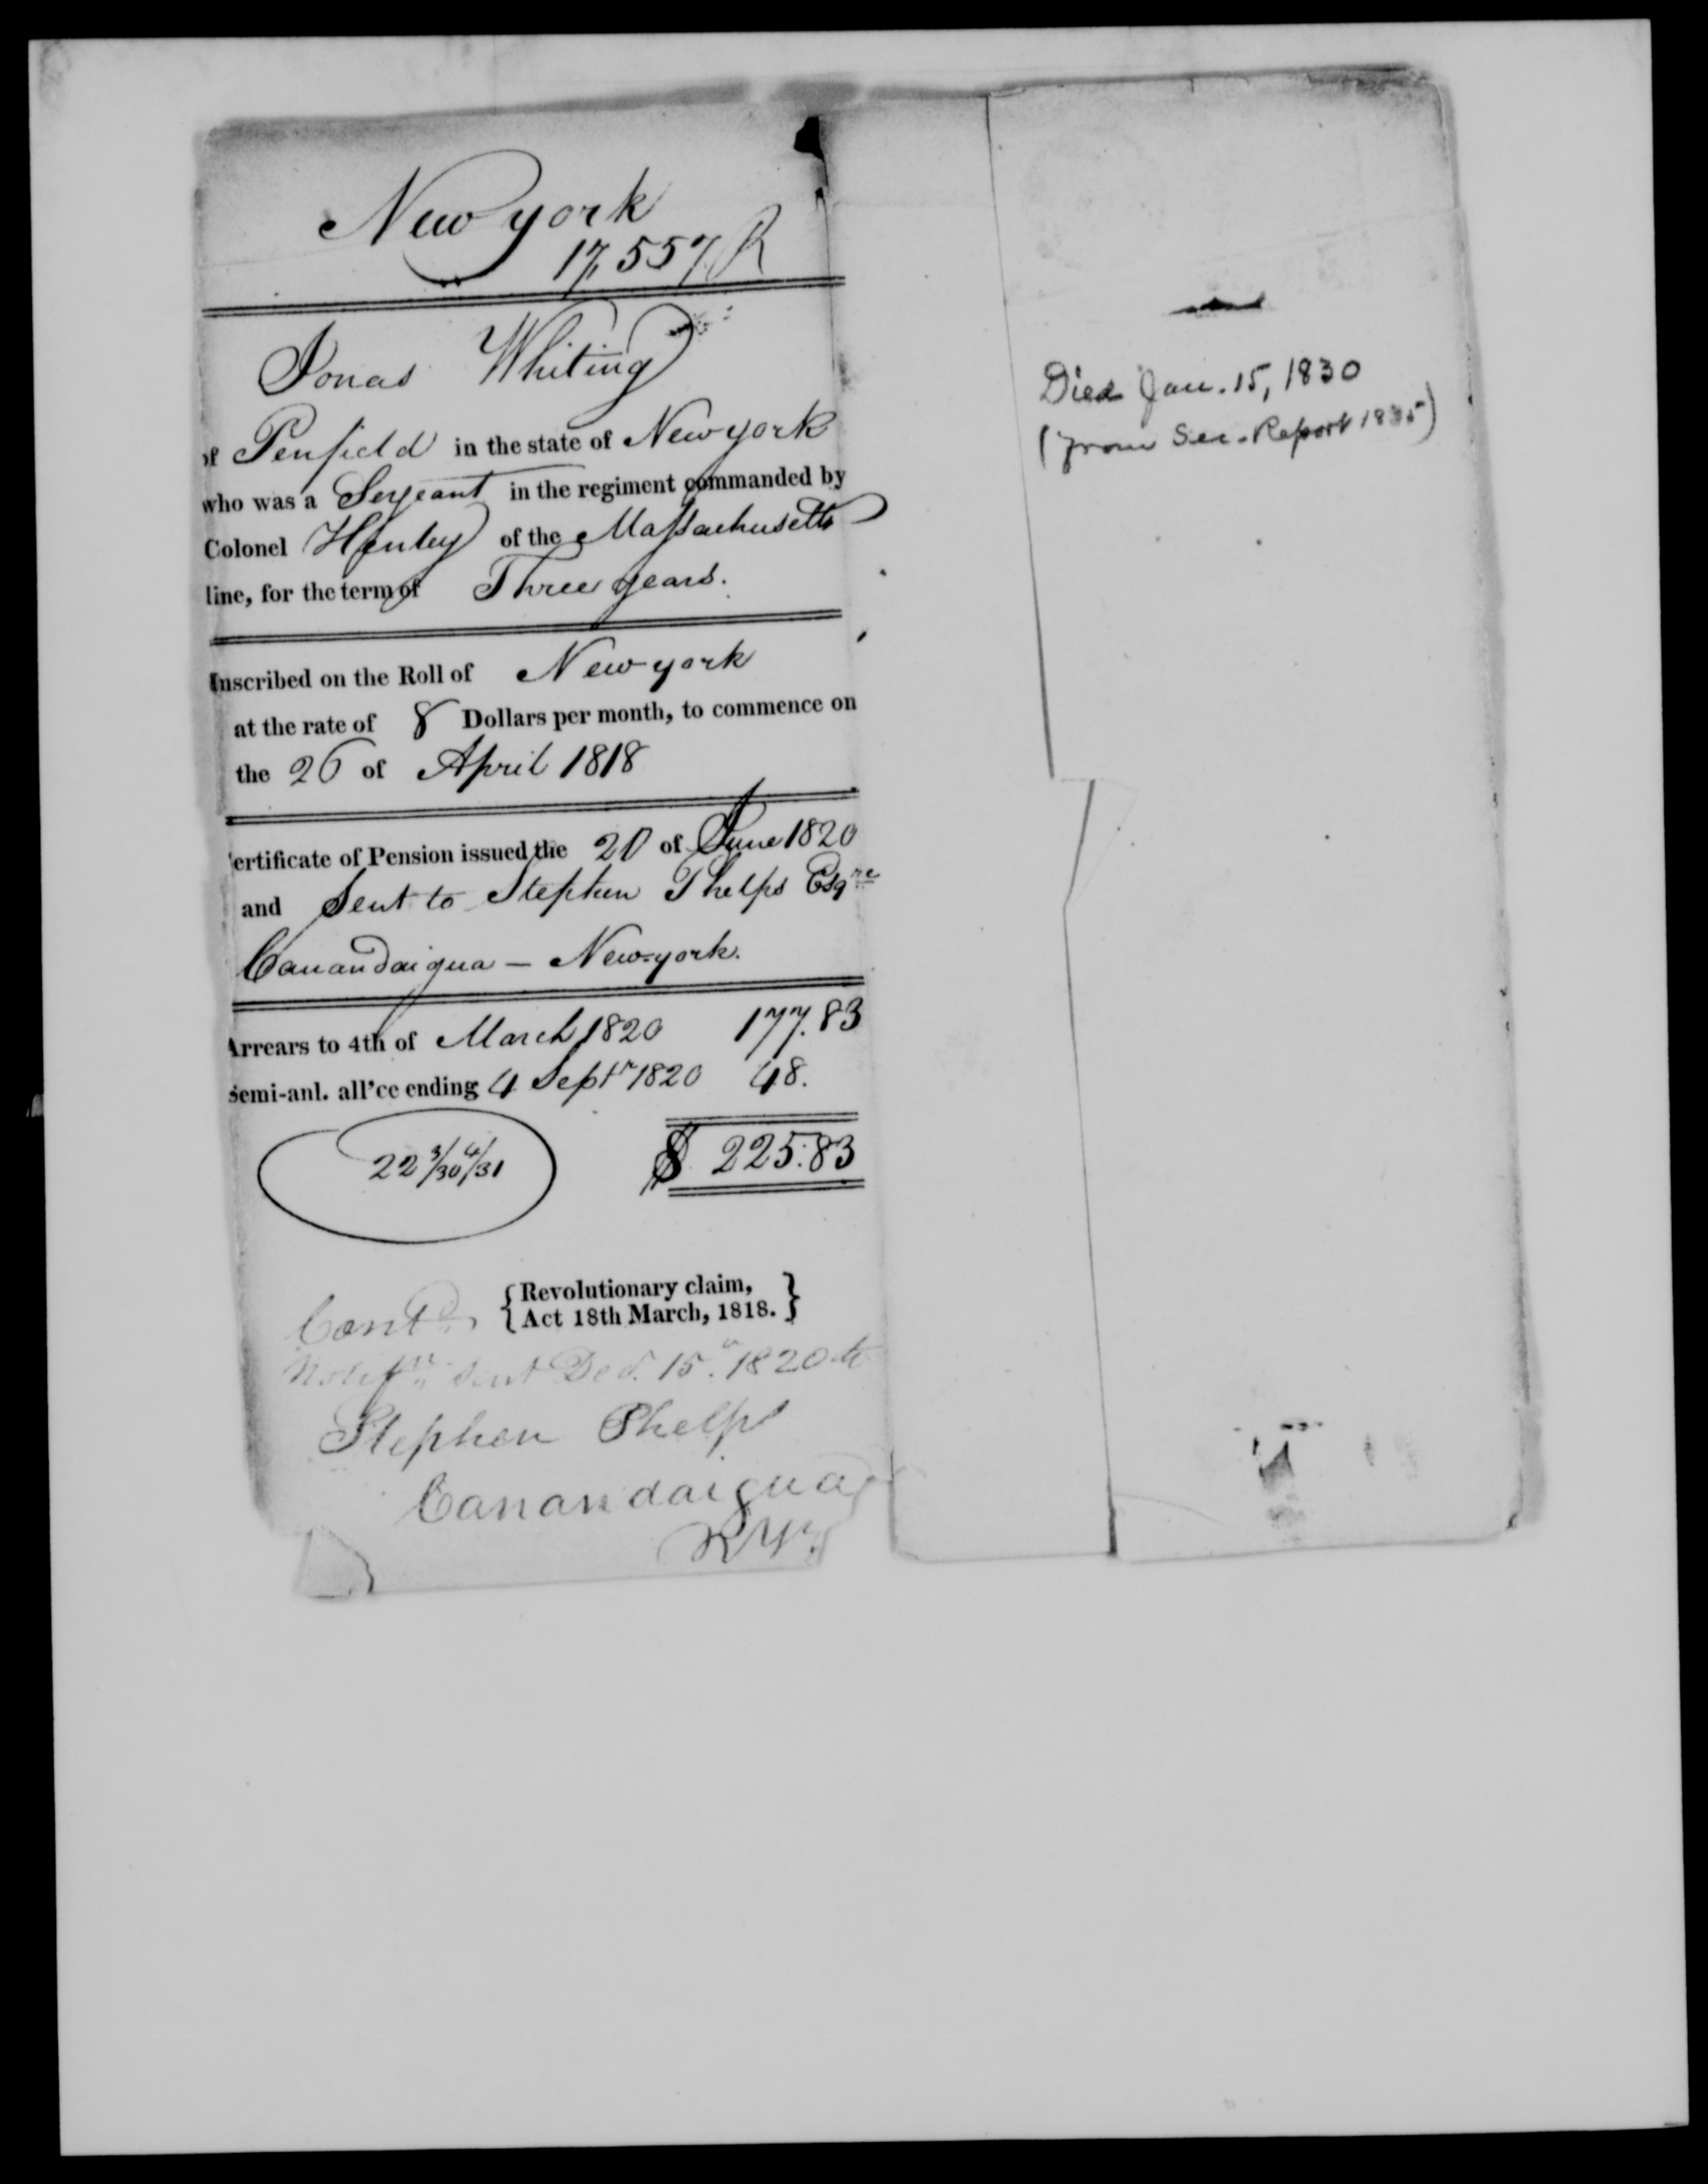New York
17,557 R
Jonas Whiting
at Penfield in the state of New York who was a Sergeant in the regiment commanded by Col. Henley of the Massachusetts line for the term of Three years.

Inscribed on the Roll of New York 
at the rate of 8 Dollars per month, to commence on 26 of April 1818

Certificate of Pension issued the 20 of June 1820
and sent to Stephen Phelps Esq.
Canandaigua Newyork

Arrears to 4th March 1820   $177.83
Semi-anl-all'ce ending 4 Sept. 1820  48.
$225.83

22 3/30 6/31

{Revolutionary claim,}
{Act 18th March, 1818}

Cont.
notif. sent Dec. 15th 1820
Stephen Phelps
Canandaigua, N.Y.

died Jan. 15, 1830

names: Stephen Phelps, Henley, Jonas Whiting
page: 2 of 22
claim: survivor's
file: S. 43298, Jonas Whiting, Mass.